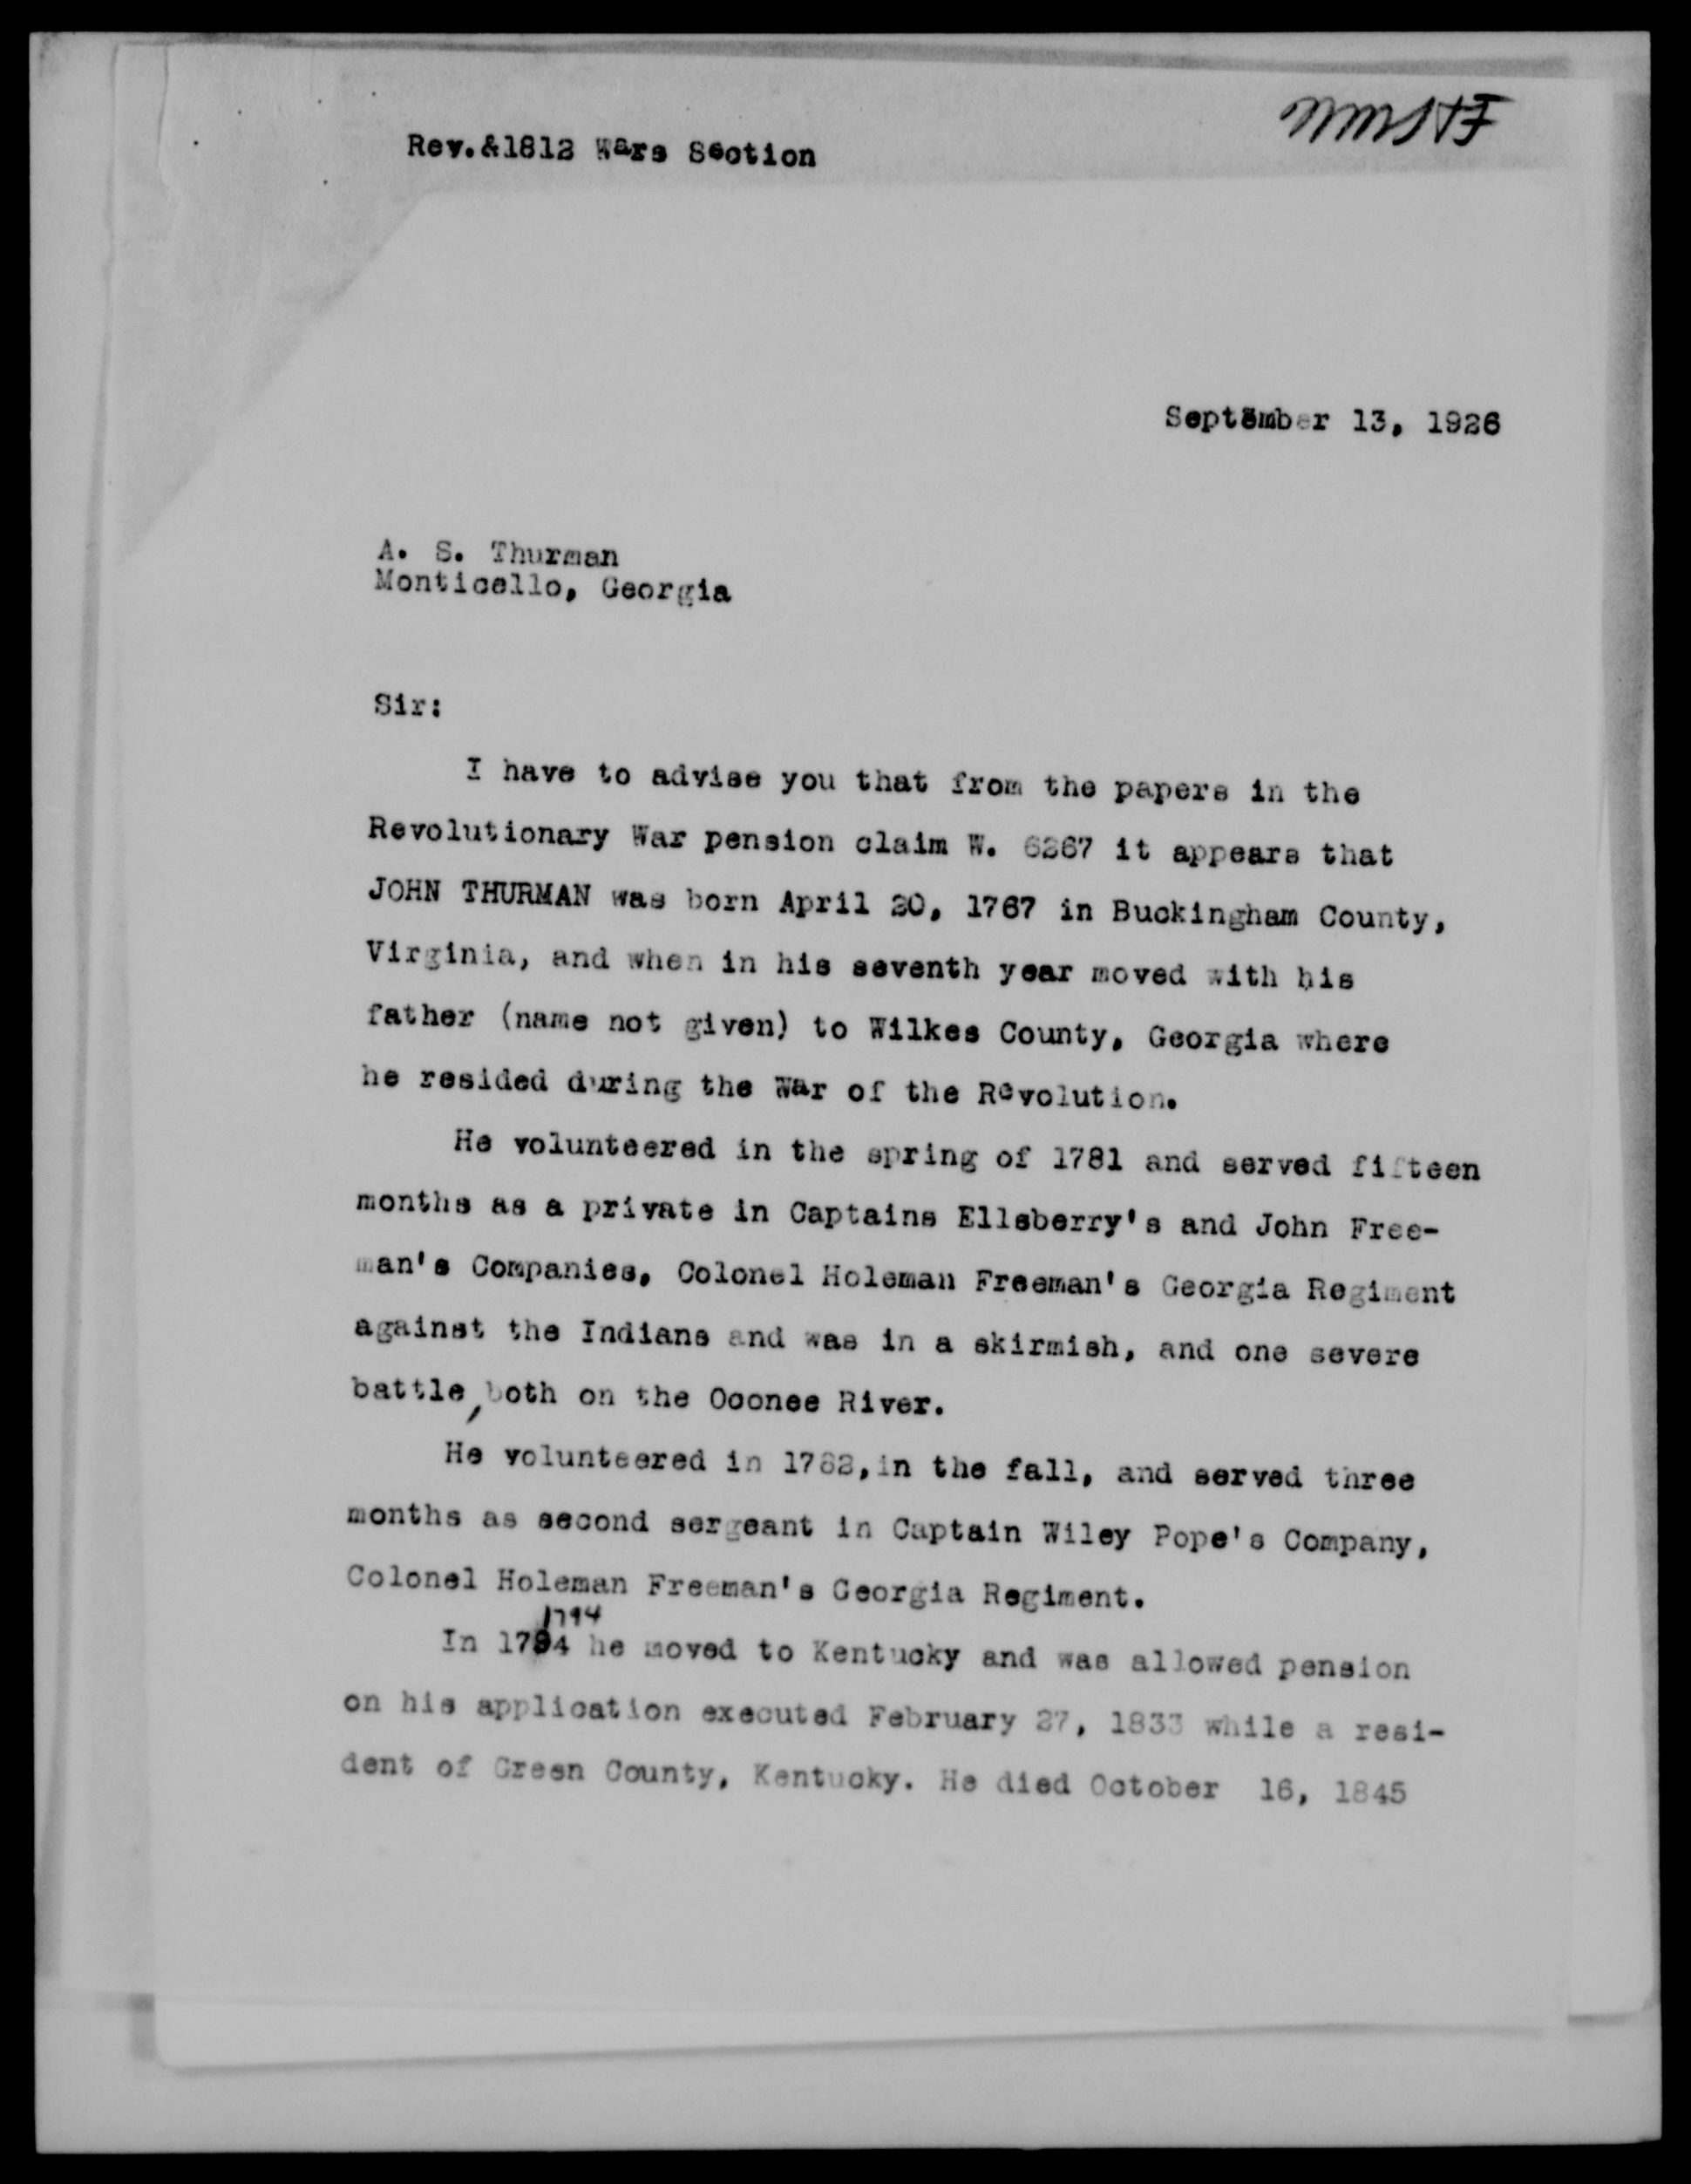MMHF
Rev.&1812 Wars Section
September 13, 1826
A. S. Thurman
Monticello, Georgia
Sir:
I have to advise you that from the papers in the Revolutionary War pension claim W. 6267 it appears that JOHN THURMAN was born April 20, 1767 in Buckingham County, Virginia, and when in his seventh year moved with his father (name not given) to Wilkes County, Georgia where he resided during the War of the Revolution.
He volunteered in the spring of 1781 and served fifteen months as a private in Captains Ellsberry's and John Freeman's Companies, Colonel Holeman Freeman's Georgia Regiment against the Indians and was in a skirmish, and one severe battle, both on the Oconee River.
He volunteered in 1782, in the fall, and served three months as second sergeant in Captain Wiley Pope's Company, Colonel Holeman Freeman's Georgia Regiment.
In 1784 he moved to Kentucky and was allowed pension on his application executed February 27, 1833 while a resident of Green County, Kentucky.  He died October 16, 1845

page: 52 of 53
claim: widow's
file: W. 6,267, for John Thurman, Georgia